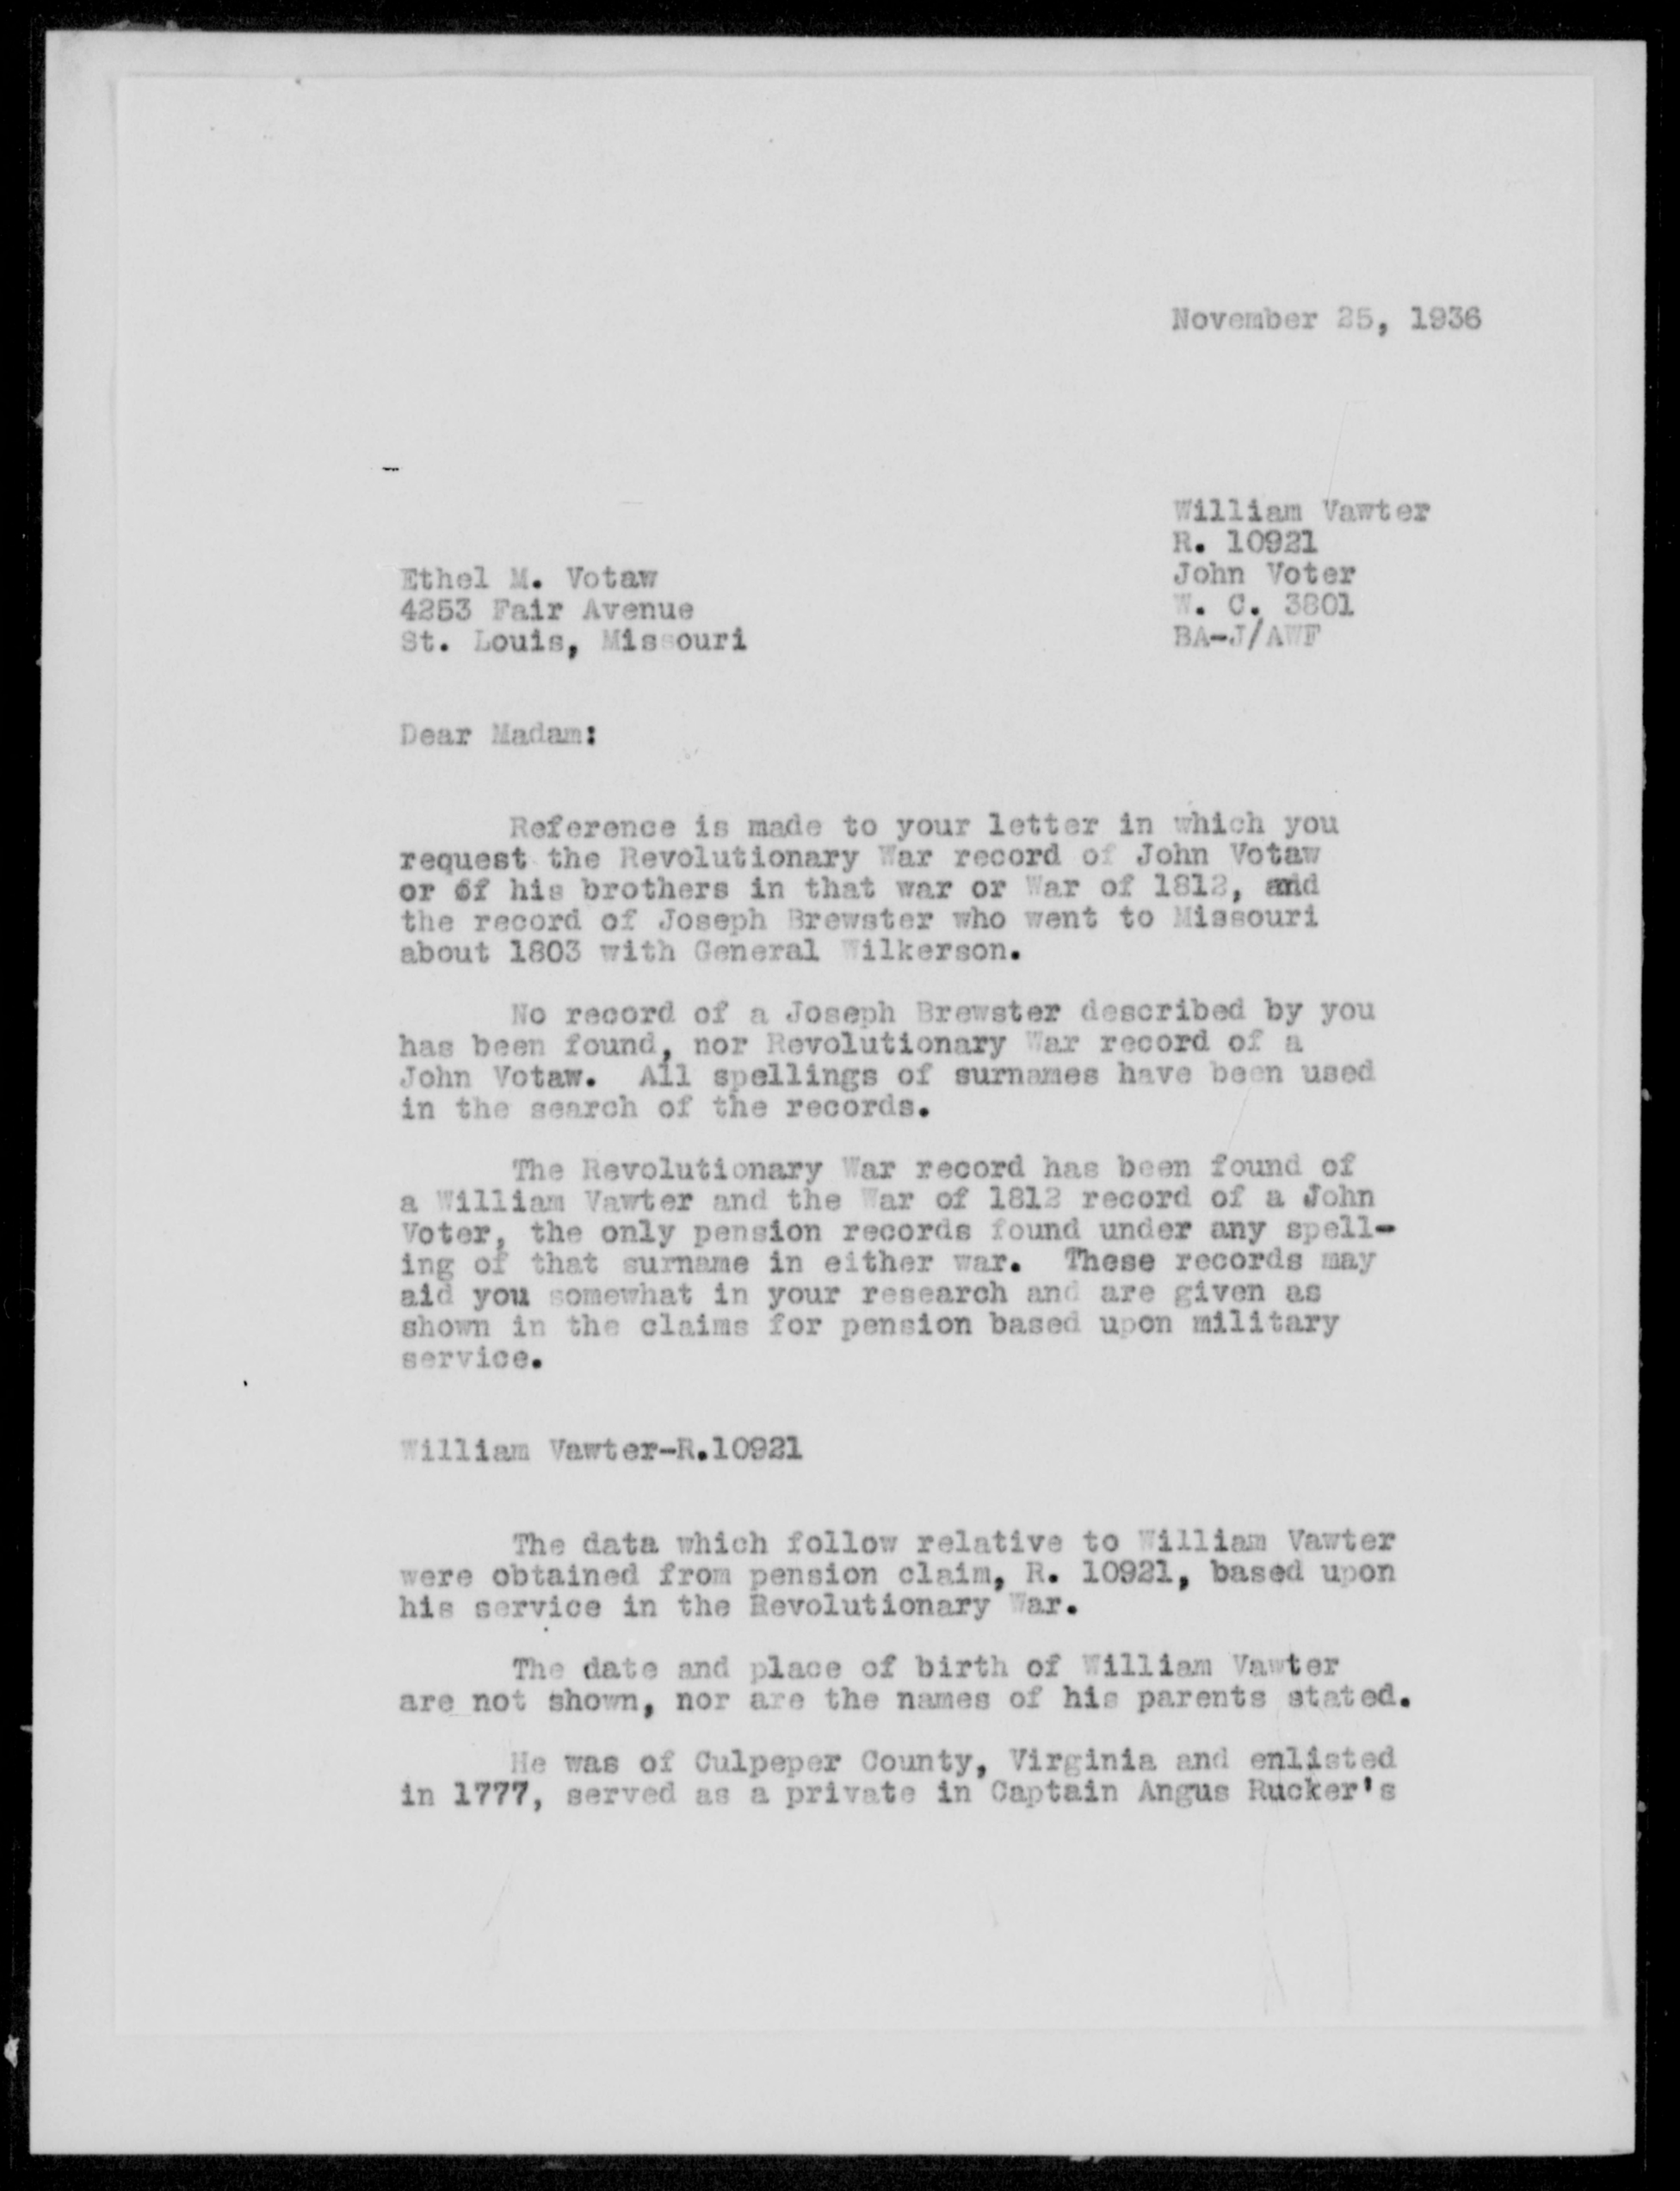November 25, 1936

William Vawter
R. 10921
John Voter
W. C. 3801
BA-J/AWF

Ethel M. Votaw
4253 Fair Avenue
St. Louis, Missouri
Dear Madam:

Reference is made to your letter in which you
request the Revolutionary War record of John Votaw
or of his brothers in that war or War of 1812, and
the record of Joseph Brewster who went to Missouri
about 1803 with General Wilkerson.

No record of a Joseph Brewster described by you
has been found, nor Revolutionary War record of a
John Votaw. All spellings of surnames have been used
in the search of the records.

The Revolutionary War record has been found of
a William Vawter and the War of 1812 record of a John
Voter, the only pension records found under any spelling 
of that surname in either war. These records may
aid you somewhat in your research and are given as
shown in the claims for pension based upon military
service.

William Vawter-R.10921

The data which follow relative to William Vawter
were obtained from pension claim, R. 10921, based upon
his service in the Revolutionary War.

The date and place of birth of William Vawter 
are not shown, nor are the names of his parents stated.

He was of Culpeper County, Virginia and enlisted
in 1777, served as a private in Captain Angus Rucker's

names: Joseph Brewster, Ethel M Votaw, William Vawter, John Votaw, Joseph Brewster, William Vawter, William Vawter, John Votaw, William Vawter, William Vawter, John Voter, Wilkerson, John Voter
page: 29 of 51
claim: rejected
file: R. 10,921, William Vawter, Va.